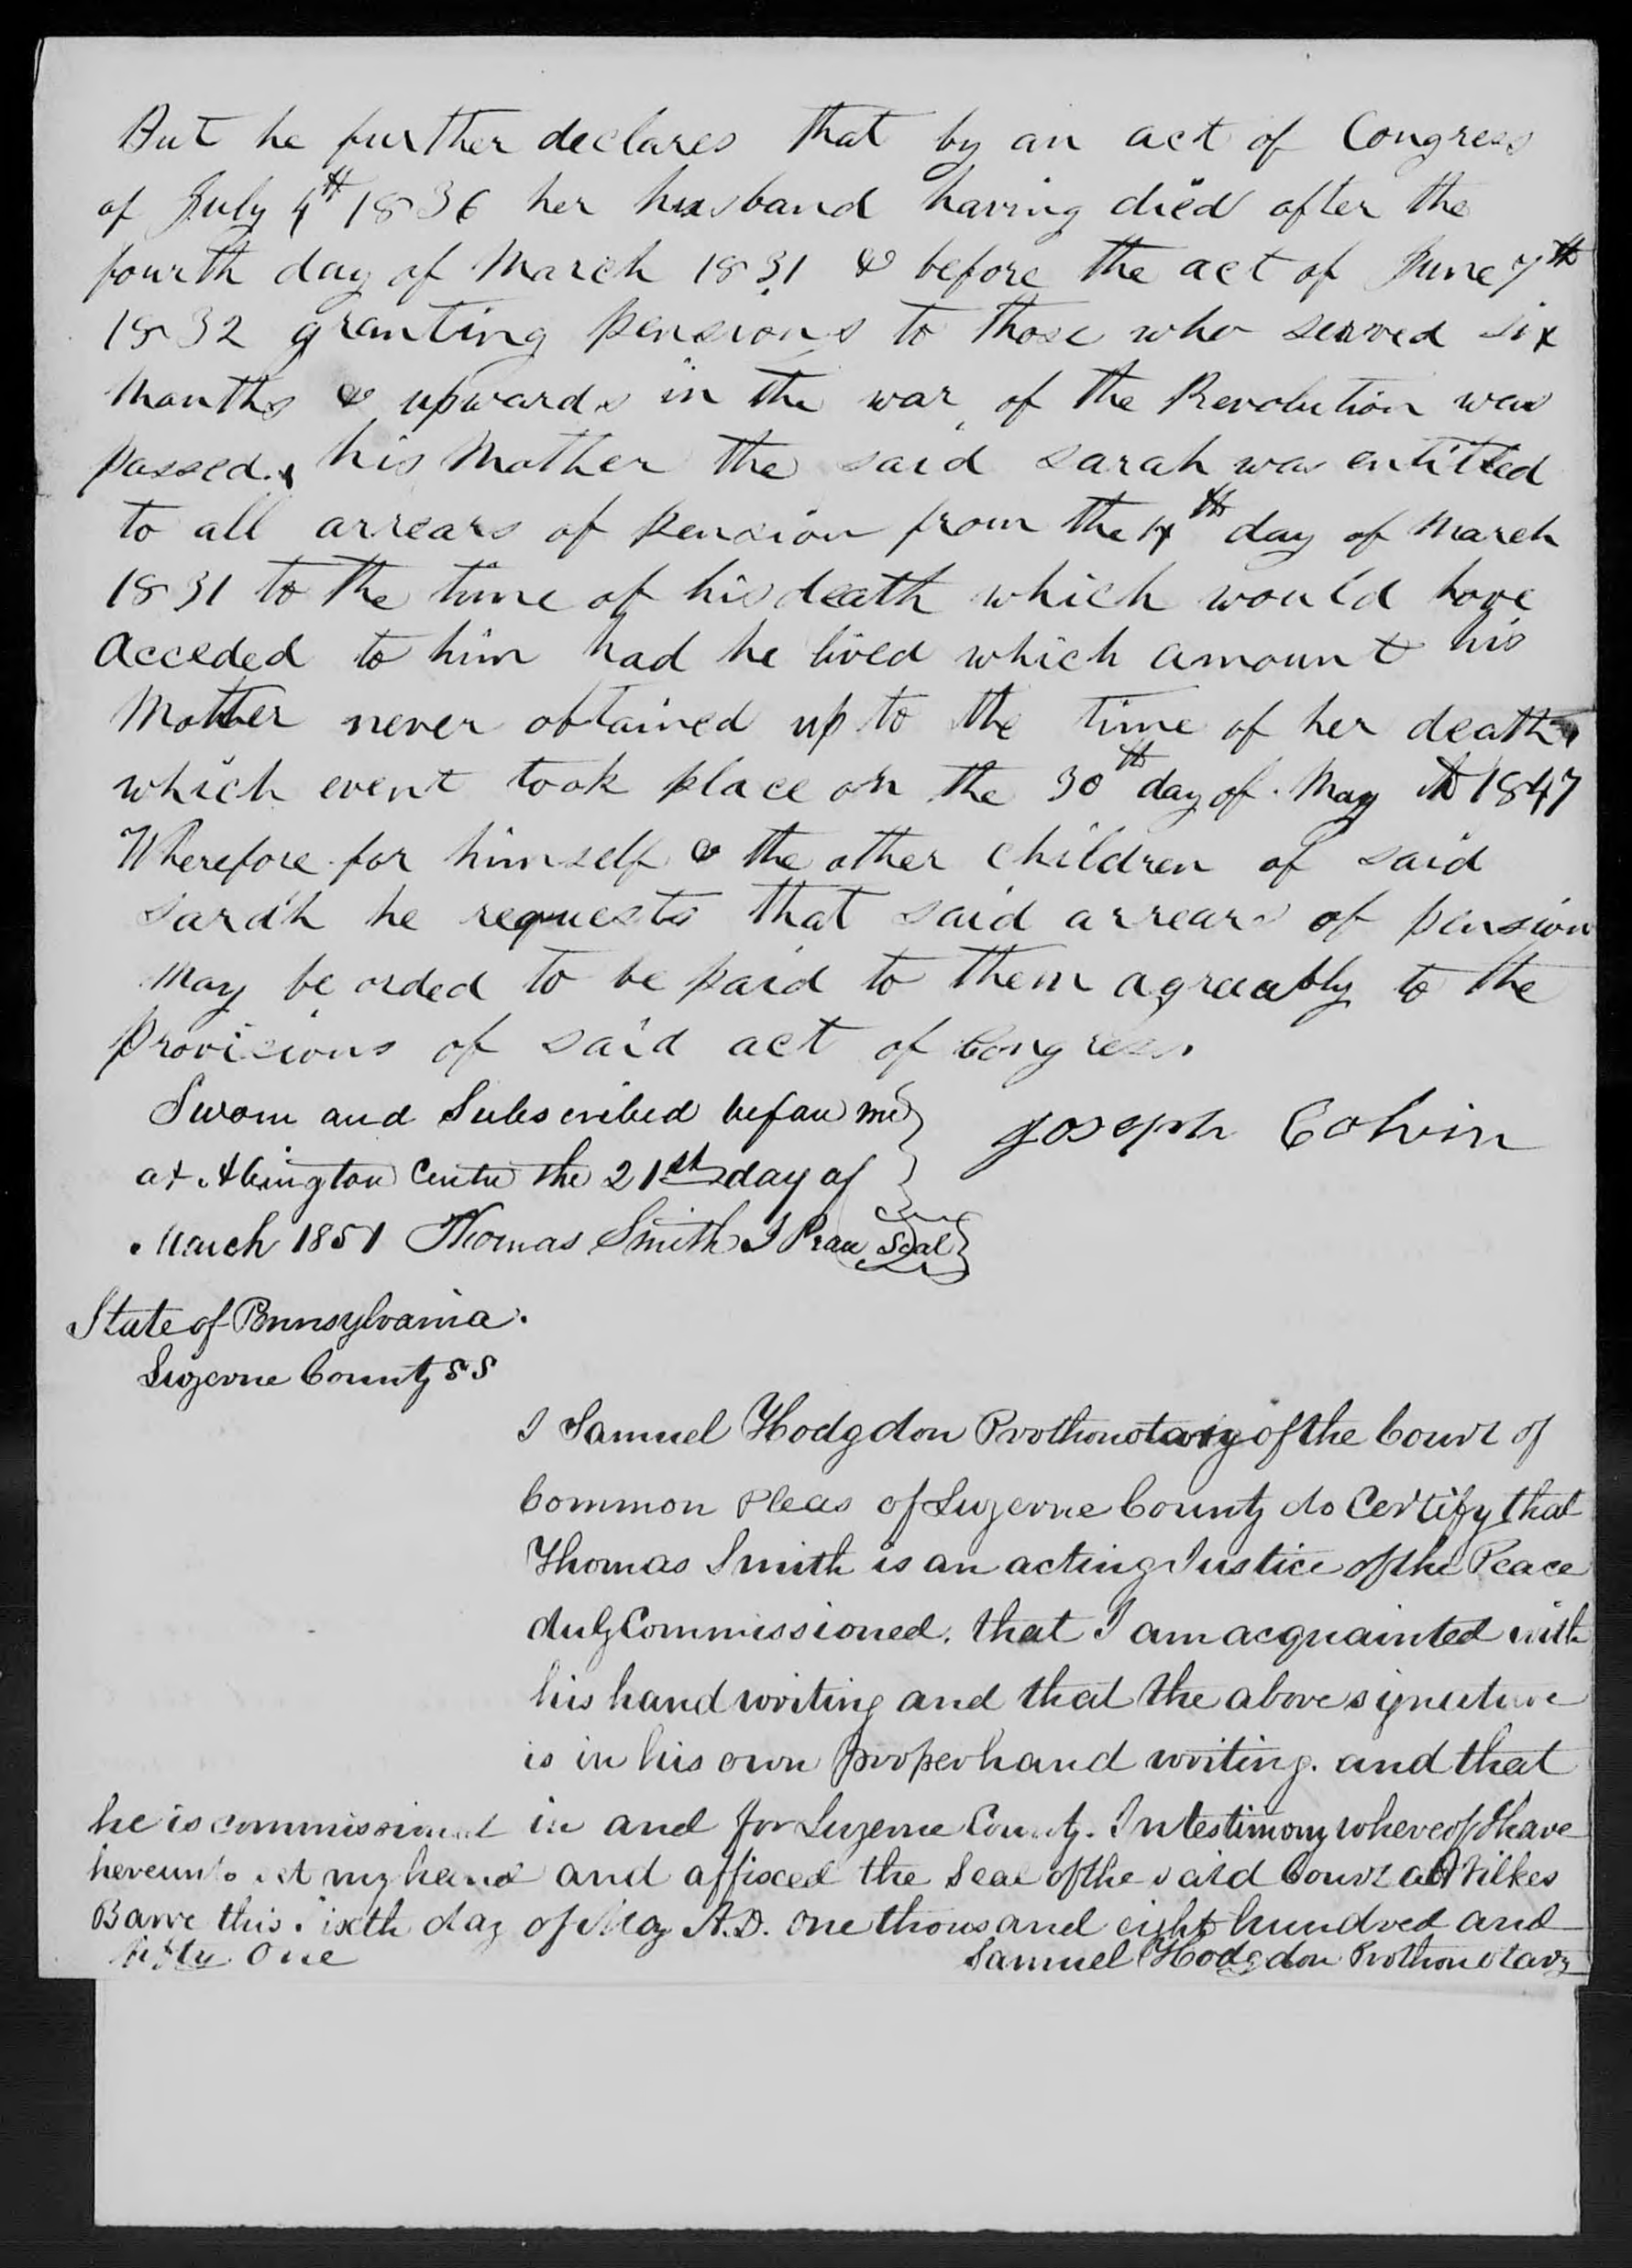But he further declares that by an act of Congress of July 4th 1836 her husband having died after the fourth day of March 1831 & before the act of June 7th 1832 granting pensions to those who served six months & upwards in the war of the Revolution was passed. His mother the said Sarah was entitled to all arrears of pension from the 11th day of March 1831 to the time of his death which would have acceded to him had he lived which amount his mother never obtained up to the time of her death which event took place on the 30th day of May AD 1847. Therefore for himself & the other children of said Sarah he requests that said arrears of pension may be orded to be paid to them agreeably to the provisions of said act of congress.
Joseph Colvin

Sworn and subscribed before me at Abington Centre the 21st day of March 1851. Thomas Smith J. P.

State of Pennsylvania Luzerne County ss
I Samuel Hodgdon Prothonotary of the Court of Common Pleas of Luzerne County do certify that Thomas Smith is an acting Justice of the Peace duly commissioned. That I am acquainted with his hand writing and that the above signature is in his own proper hand writing and that he is commissioned in and for Luzerne County. In testimony whereof I have hereunto set my hand and affixed the seal of the said Court at Filkes Barre this sixth day of May A.D. one thousand eight hundred and fifty one.
Samuel Hodgdon Protonotary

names: Sarah, Samuel Hodgdon, Samuel Hodgdon, Thomas Smith, Sarah, Joseph Colvin, Thomas Smith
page: 9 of 41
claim: widow's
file: W. 3513, Philip Colvin, R.I.